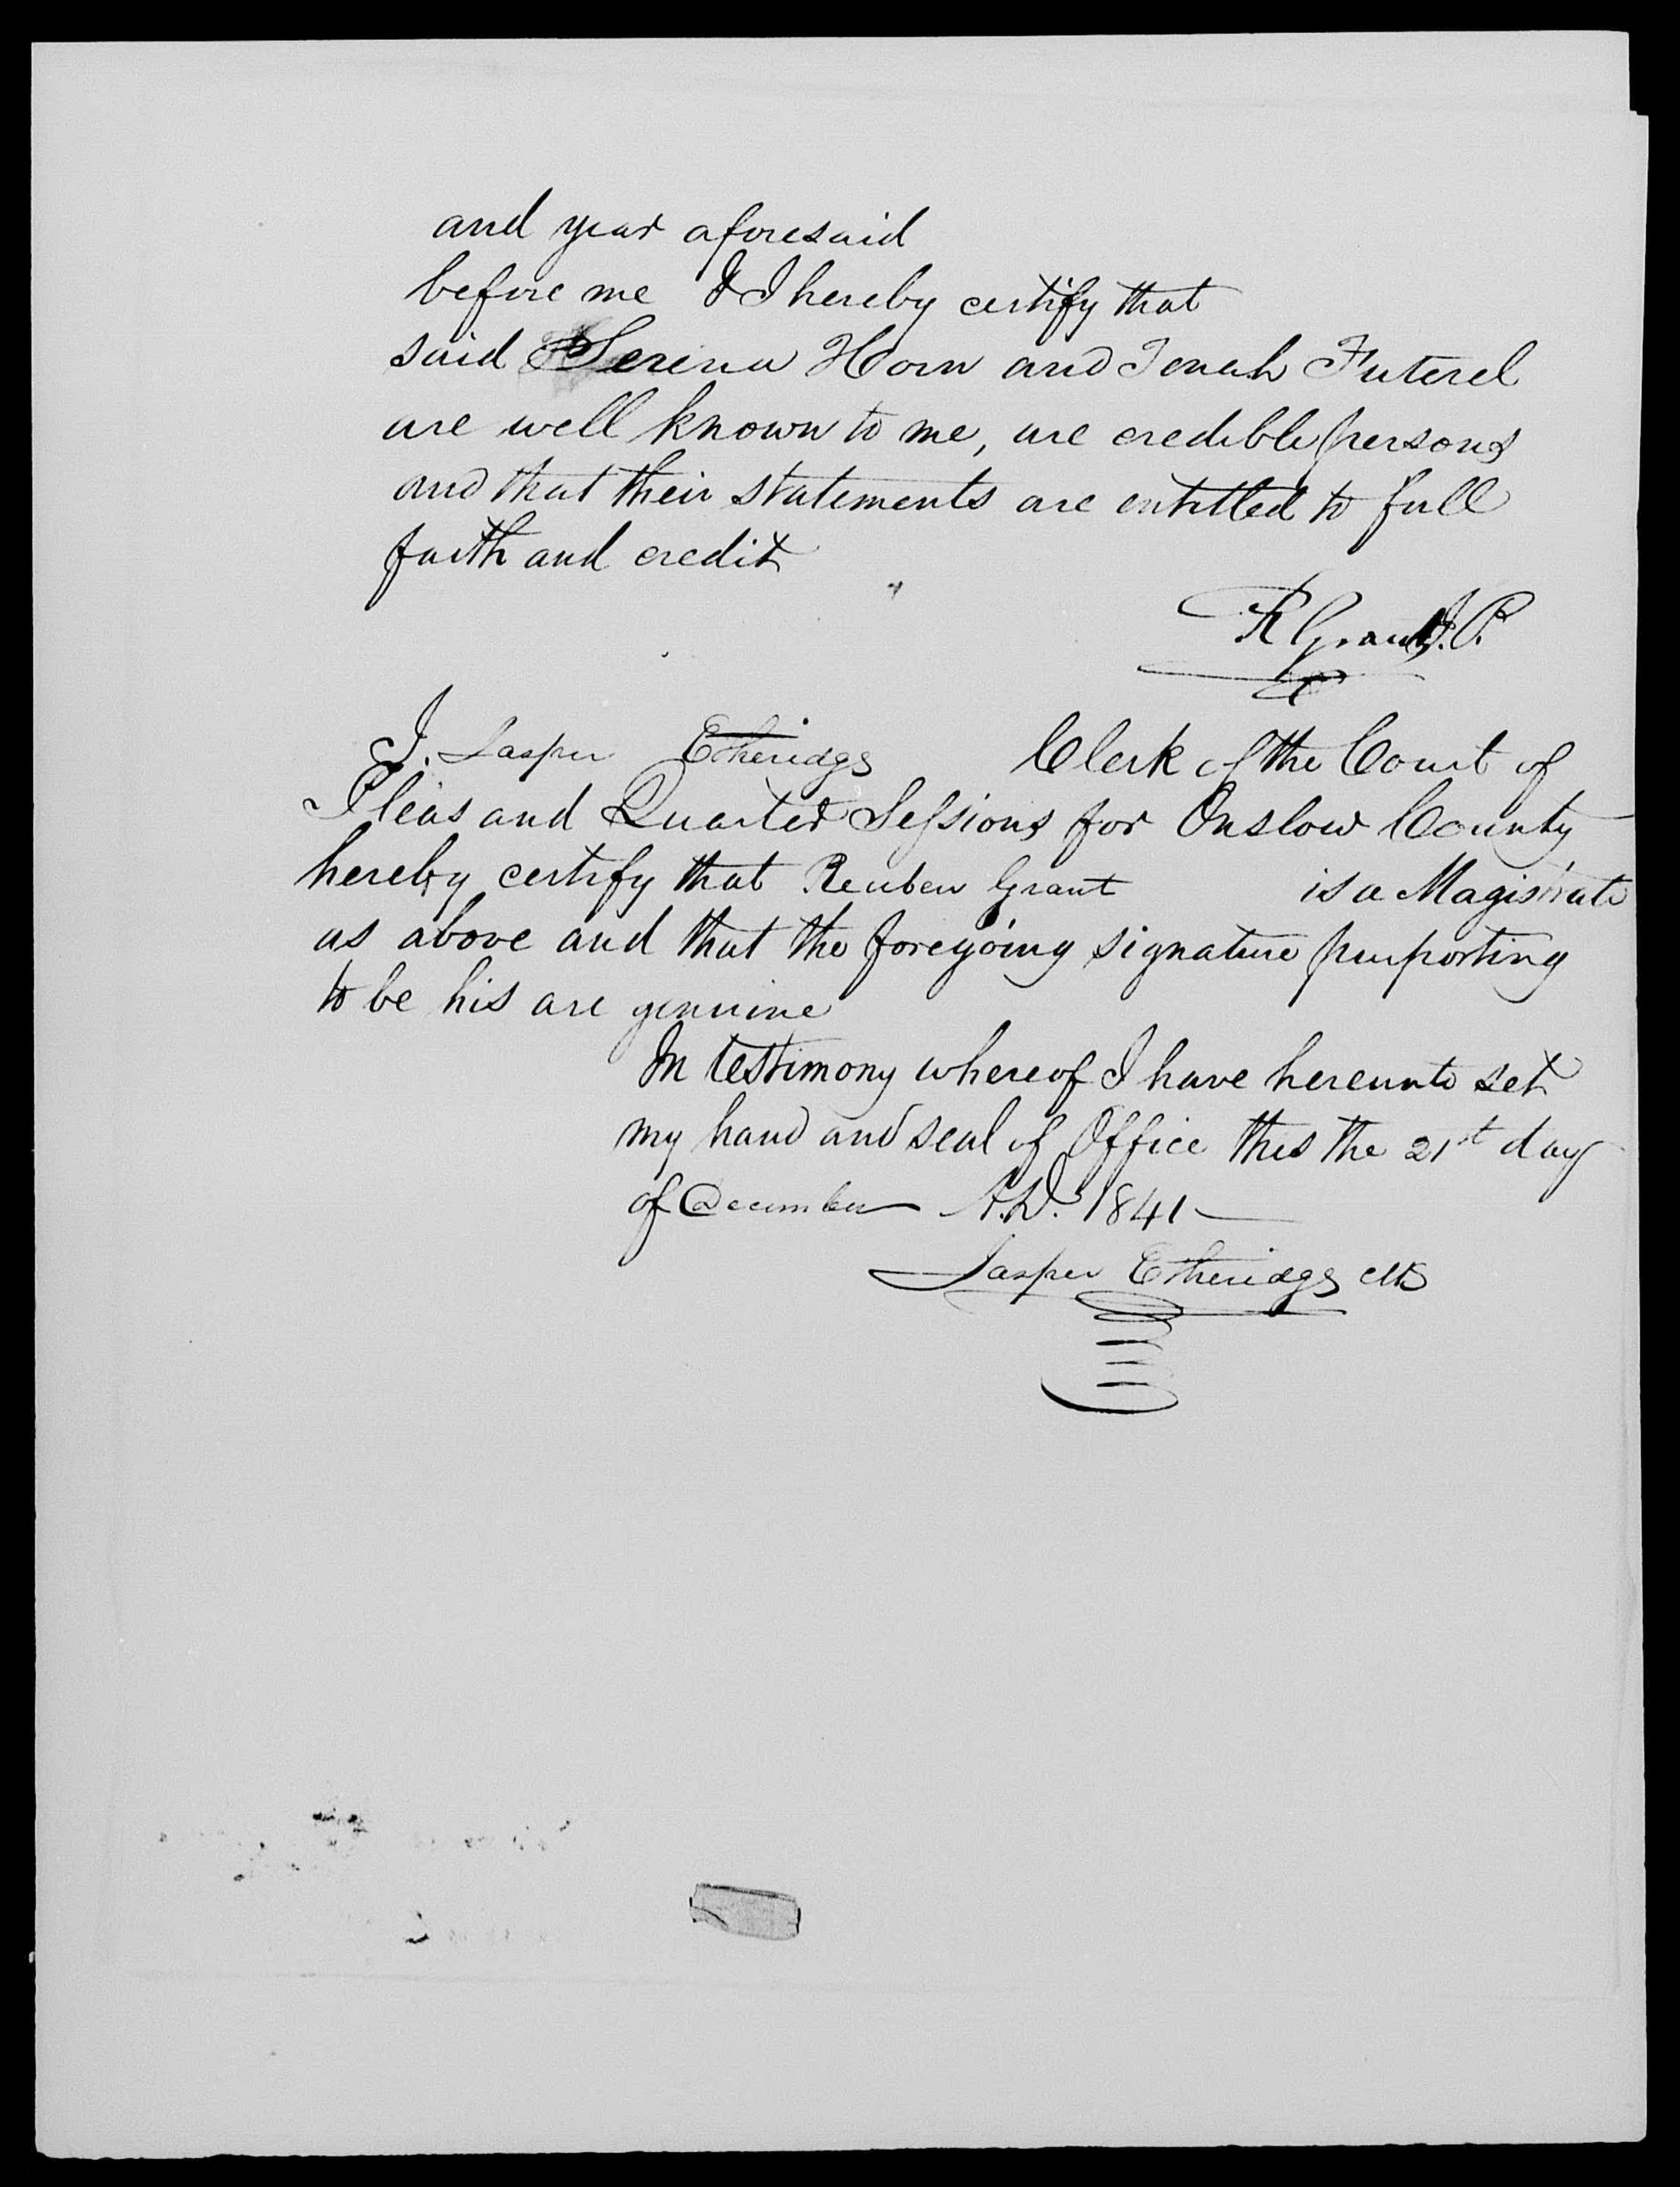and year aforesaid before me and I hereby certify that said Serena Horn and Teneah Futerel are well known to me, are credible persons and that their statements are entitled to  full faith and credit.  R Grant JP

I Jasper Etheridge Clek of the Court of Pleas and Quarter Sessions for Onslow County hereby certify that Reuben Grant is a magistrate as above and that the foregoing signature purporting to be his are genuine
In testimony whereof I have hereunto set my hand and seal of office this the 21st day of December AD 1841.  Jasper Etheridge MS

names: Jasper Etheridge, Serina Horn, Jasper Etheridge, Tenah Futerel, R Grant, Reuben Grant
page: 23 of 38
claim: widow's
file: W. 5231, Hilary Brinson, N.C.